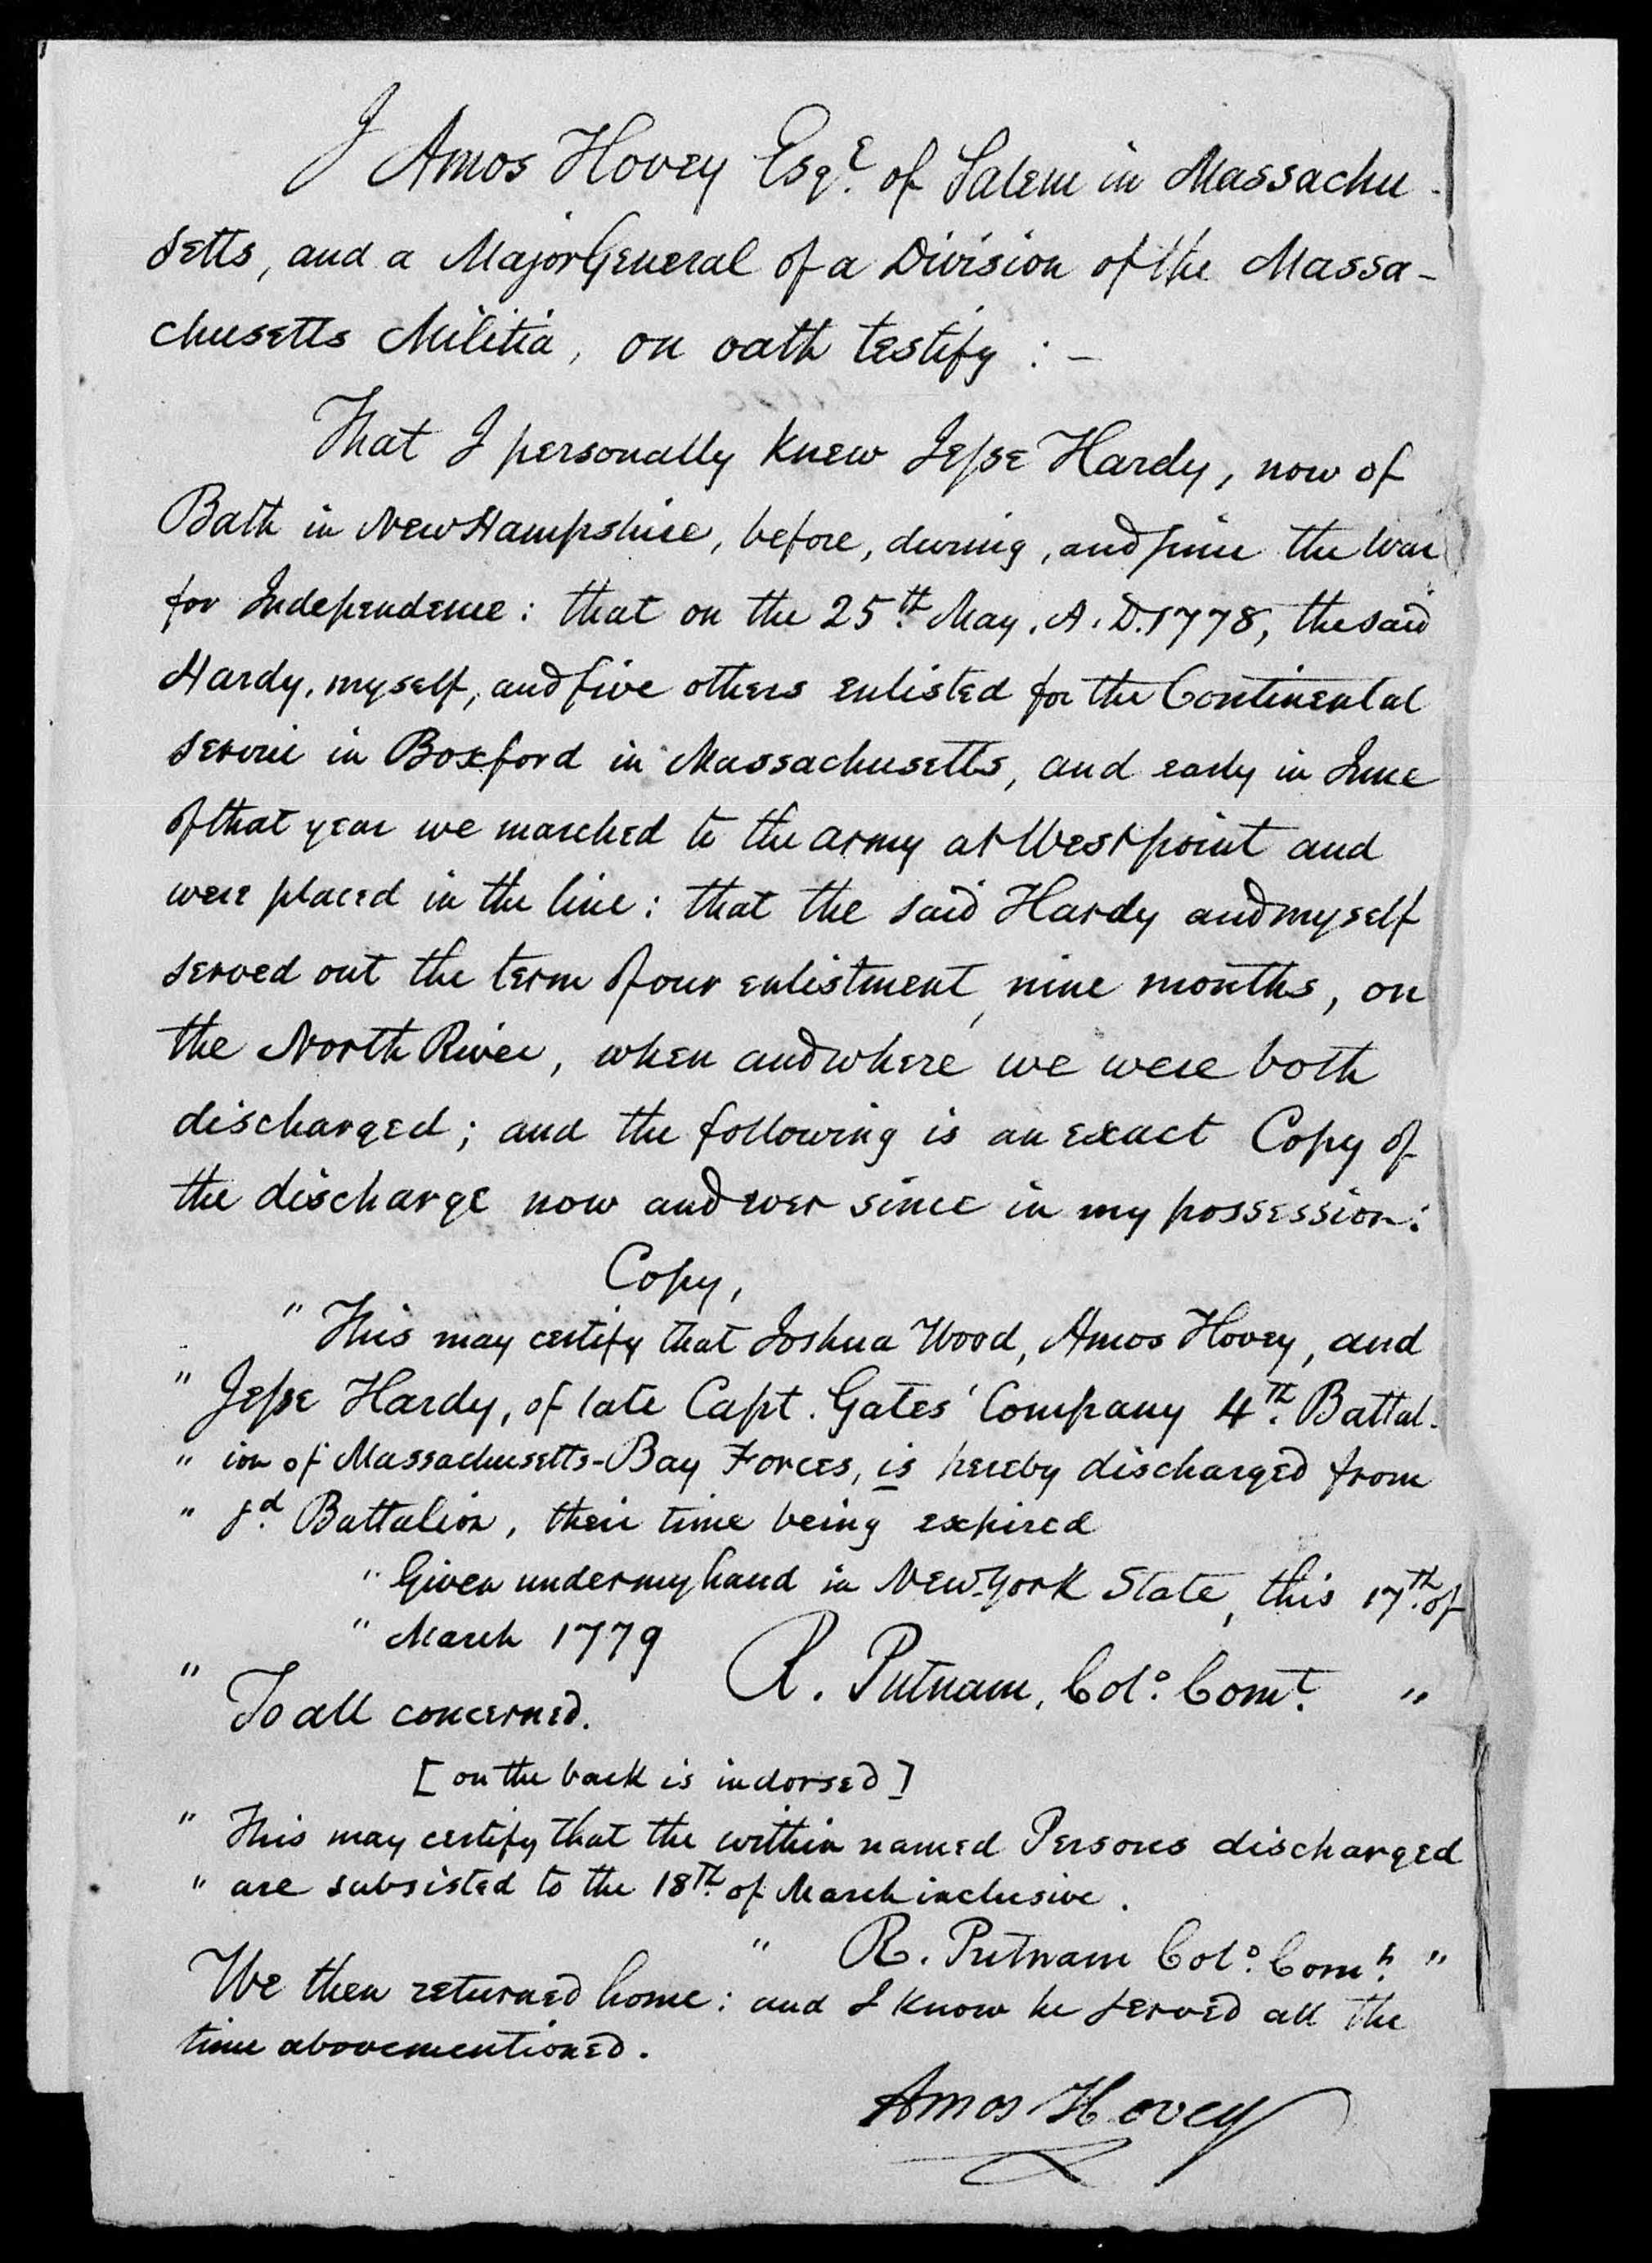I Amos Hovey Esq of Salem in Massachusetts, and a Major General of a Division of the Massachusetts Militia, on oath testify
That
-
I personally knew Jesse Hardy, now of
Bath in New Hampshire, before, during, and from the war
for Independence: that on the 25th May, A.D. 1778, the same
Hardy, myself, and five others enlisted for the Continental
Service in Boxford in Massachusetts, and early in June
of that year we marched to the army at West point and
were placed in the line: that the said Hardy and myself
served out the term of our enlistment nine months, on
the North River, when and where we were both
discharged; and the following is an exact Copy of
the discharge now and ever since in my possession.

Copy

This may certify that Joshua Wood, Amos Hovey, and
Jesse Hardy of late Capt. Gates Company 4th Battal
in of Massachusetts Bay Forces, is hereby discharged from
3d Battalion, their time being expired

Given under my hand in New York State, this 17th of
March 1779
concerned
R. Putnam, Col Court

"To all concerned [on the back is endorsed]

This may certify that the within named Persons discharged
are subsisted to the 18th of March inclusive
R. Putnam Col Com 


We then returned home; and I know he served all the
time above mentioned
Amos Hovey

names: Jesse Hardy, Amos Hovey, Amos Hovey, Hardy, Hardy, R Putnam, R Putnam, Amos Hovey, Jesse Hardy, Joshua Wood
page: 5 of 67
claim: widow's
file: W. 23183, Jesse Hardy, Mass.